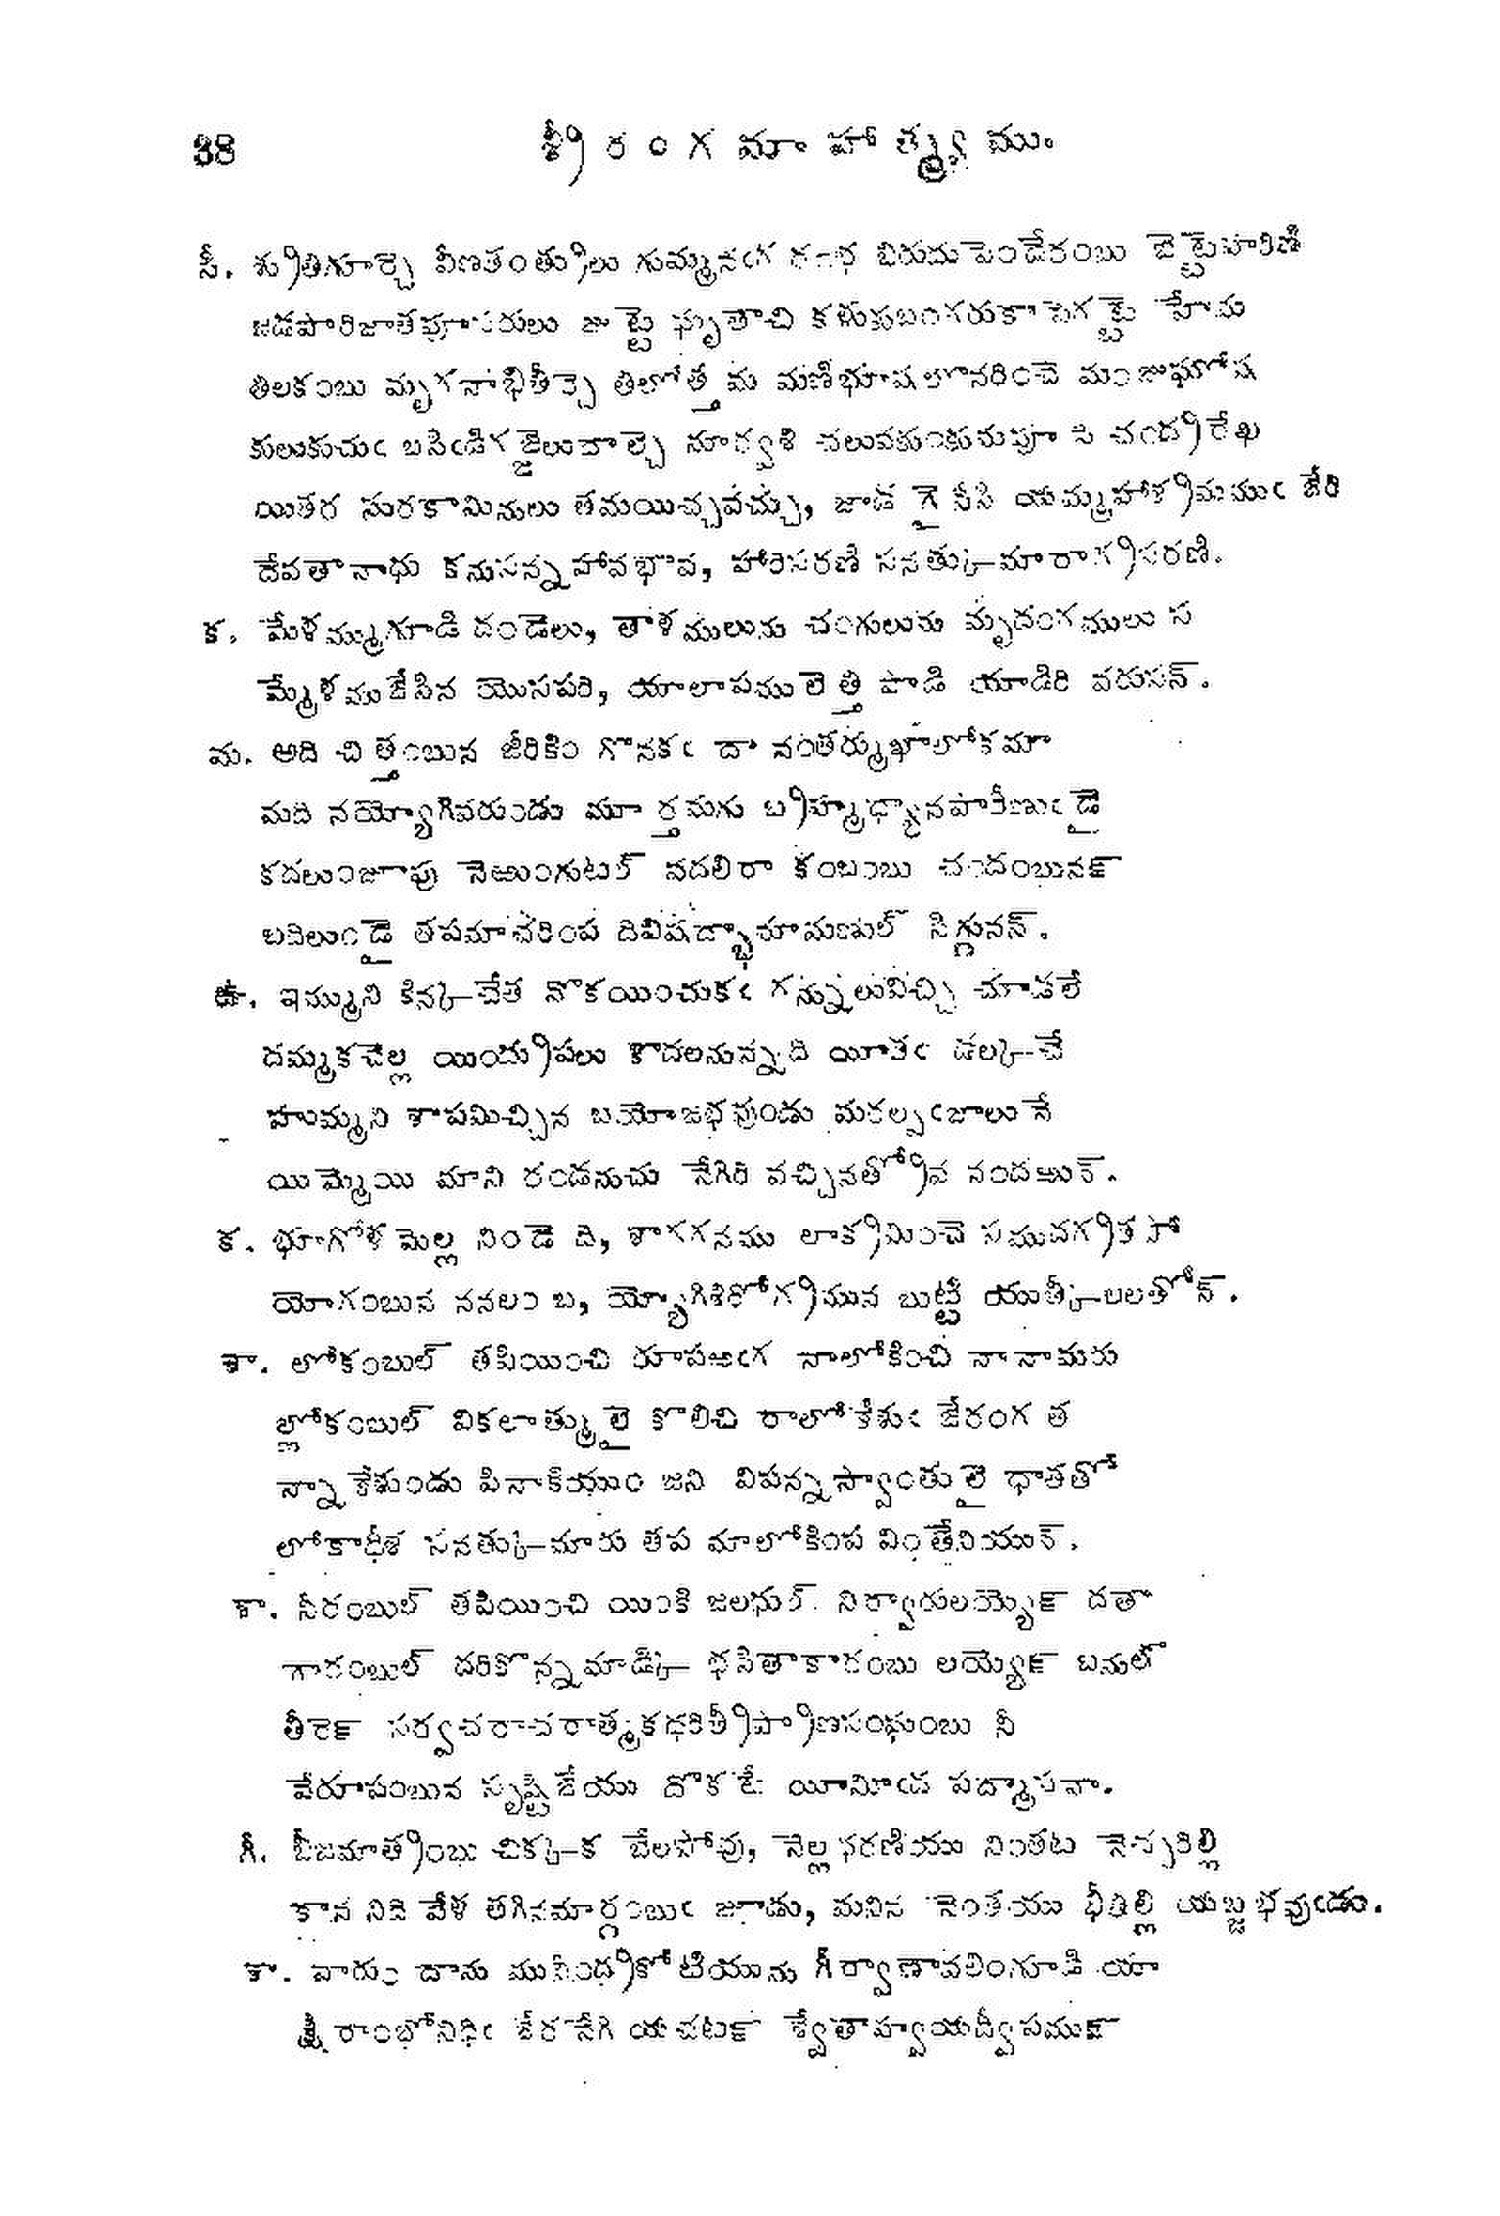సీ. శ్రుతి గూర్చె వీణతంత్రులు గుమ్మనఁగ రంభ బిరుదుపెండేరంబు బెట్టెహరిణి
 జడపారిజాతపూసరులు జుట్టె ఘృతాచి కళుకుబంగరుకాసెగట్టె హేమ
 తిలకంబు మృగనాభితీర్చె తిలోత్తమ మణిభూష లొనరించె మంజుఘోష
 కులుకుచుఁ బసిఁడిగజ్జెలు దాల్చె నూర్వశి చలువకుంకుచుపూసె చంద్రరేఖ
 యితరసురకామినులు తమయిచ్చవచ్చు, జాడ గైసేసి యమ్మహాశ్రమముఁ జేరి
 దేవతానాథు కనుసన్నహావభావ, హారిసరణి సనత్కుమారాగ్రసరణి.
క. మేళమ్ముగూడి దండెలు, తాళములును చంగులును మృదంగములు స
 మ్మేళము చేసిన యొసపరి, యాలాపము లెత్తి పాడి యాడిరి వరుసన్.
మ. అది చిత్తంబున జీరికిం గొనకఁ దా నంతర్ముఖాలోకమౌ
 మది నయ్యోగివరుండు మూర్తమగు బ్రహ్మధ్యానపారీణుఁడై
 కదలుంజూపు నెఱుంగుటన్ నదలిరా కంబబు చందంబునన్
 బదిలుండై తపమాచరింప దివిషడ్భామామణుల్ సిగ్గునన్,
ఉ. ఇమ్ముని కిన్కచేత నొకయించుకఁ గన్నులువిచ్చి చూడలే
 దమ్మకచెల్ల యింద్రుపలు కౌదలనున్నది యీతఁ డల్కచే
 హుమ్మని శాపమిచ్చిన బయోజభవుండు మరల్పఁజాలునే
 యిమ్మెయి మాని రండనుచు నేగిరి వచ్చినత్రోవ నందఱున్.
క. భూగోళ మెల్ల నిండె ది, శాగగనము లాక్రమించె సముదగ్రతపో
 యోగంబున ననలం బ, య్యోగిశిరోగ్రమున బుట్టి యుత్కీలలతోన్.
శా. లోకంబుల్ తపియించి రూపఱఁగ నాలోకించి నానామరు
 ల్లోకంబుల్ వికలాత్ములై కొలిచి రాలోకేశుఁ జేరంగ త
 న్నాకేశుండు పినాకియుం జని విపన్నస్వాంతులై ధాతతో
 లోకాధీశ సనత్కుమారు తపమాలోకింప వింతేనియున్.
శా. నీరంబుల్ తపియించి యింకి జలధుల్ నిర్వారులయ్యెన్ దతా
 గారంబుల్ దరికొన్నమాడ్కి భసితాకారంబు లయ్యెన్ బనుల్
 తీరెన్ సర్వచరాచరాత్మక ధరిత్రీప్రాణసంఘంబు నీ
 వేరూపంబున సృష్టి చేయు దొకటే యీమీఁద పద్మాసనా.
గీ. బీజమాత్రంబు చిక్కక బేలపోవు, నెల్లధరణిను నింతట నెచ్చరిల్లి
 కాన నిది వేళ తగినమార్గంబుఁ జూడు, మనిన నెంతయు భీతిల్లి యజ్ఞభవుఁడు.
శా. వారుం దాను మునీంద్రకోటియును గీర్వాణావలింగూడి యా
 క్షీరాంభోనిధిఁ జేరనేగి యచటన్ శ్వేతాహ్వయద్వీపమున్